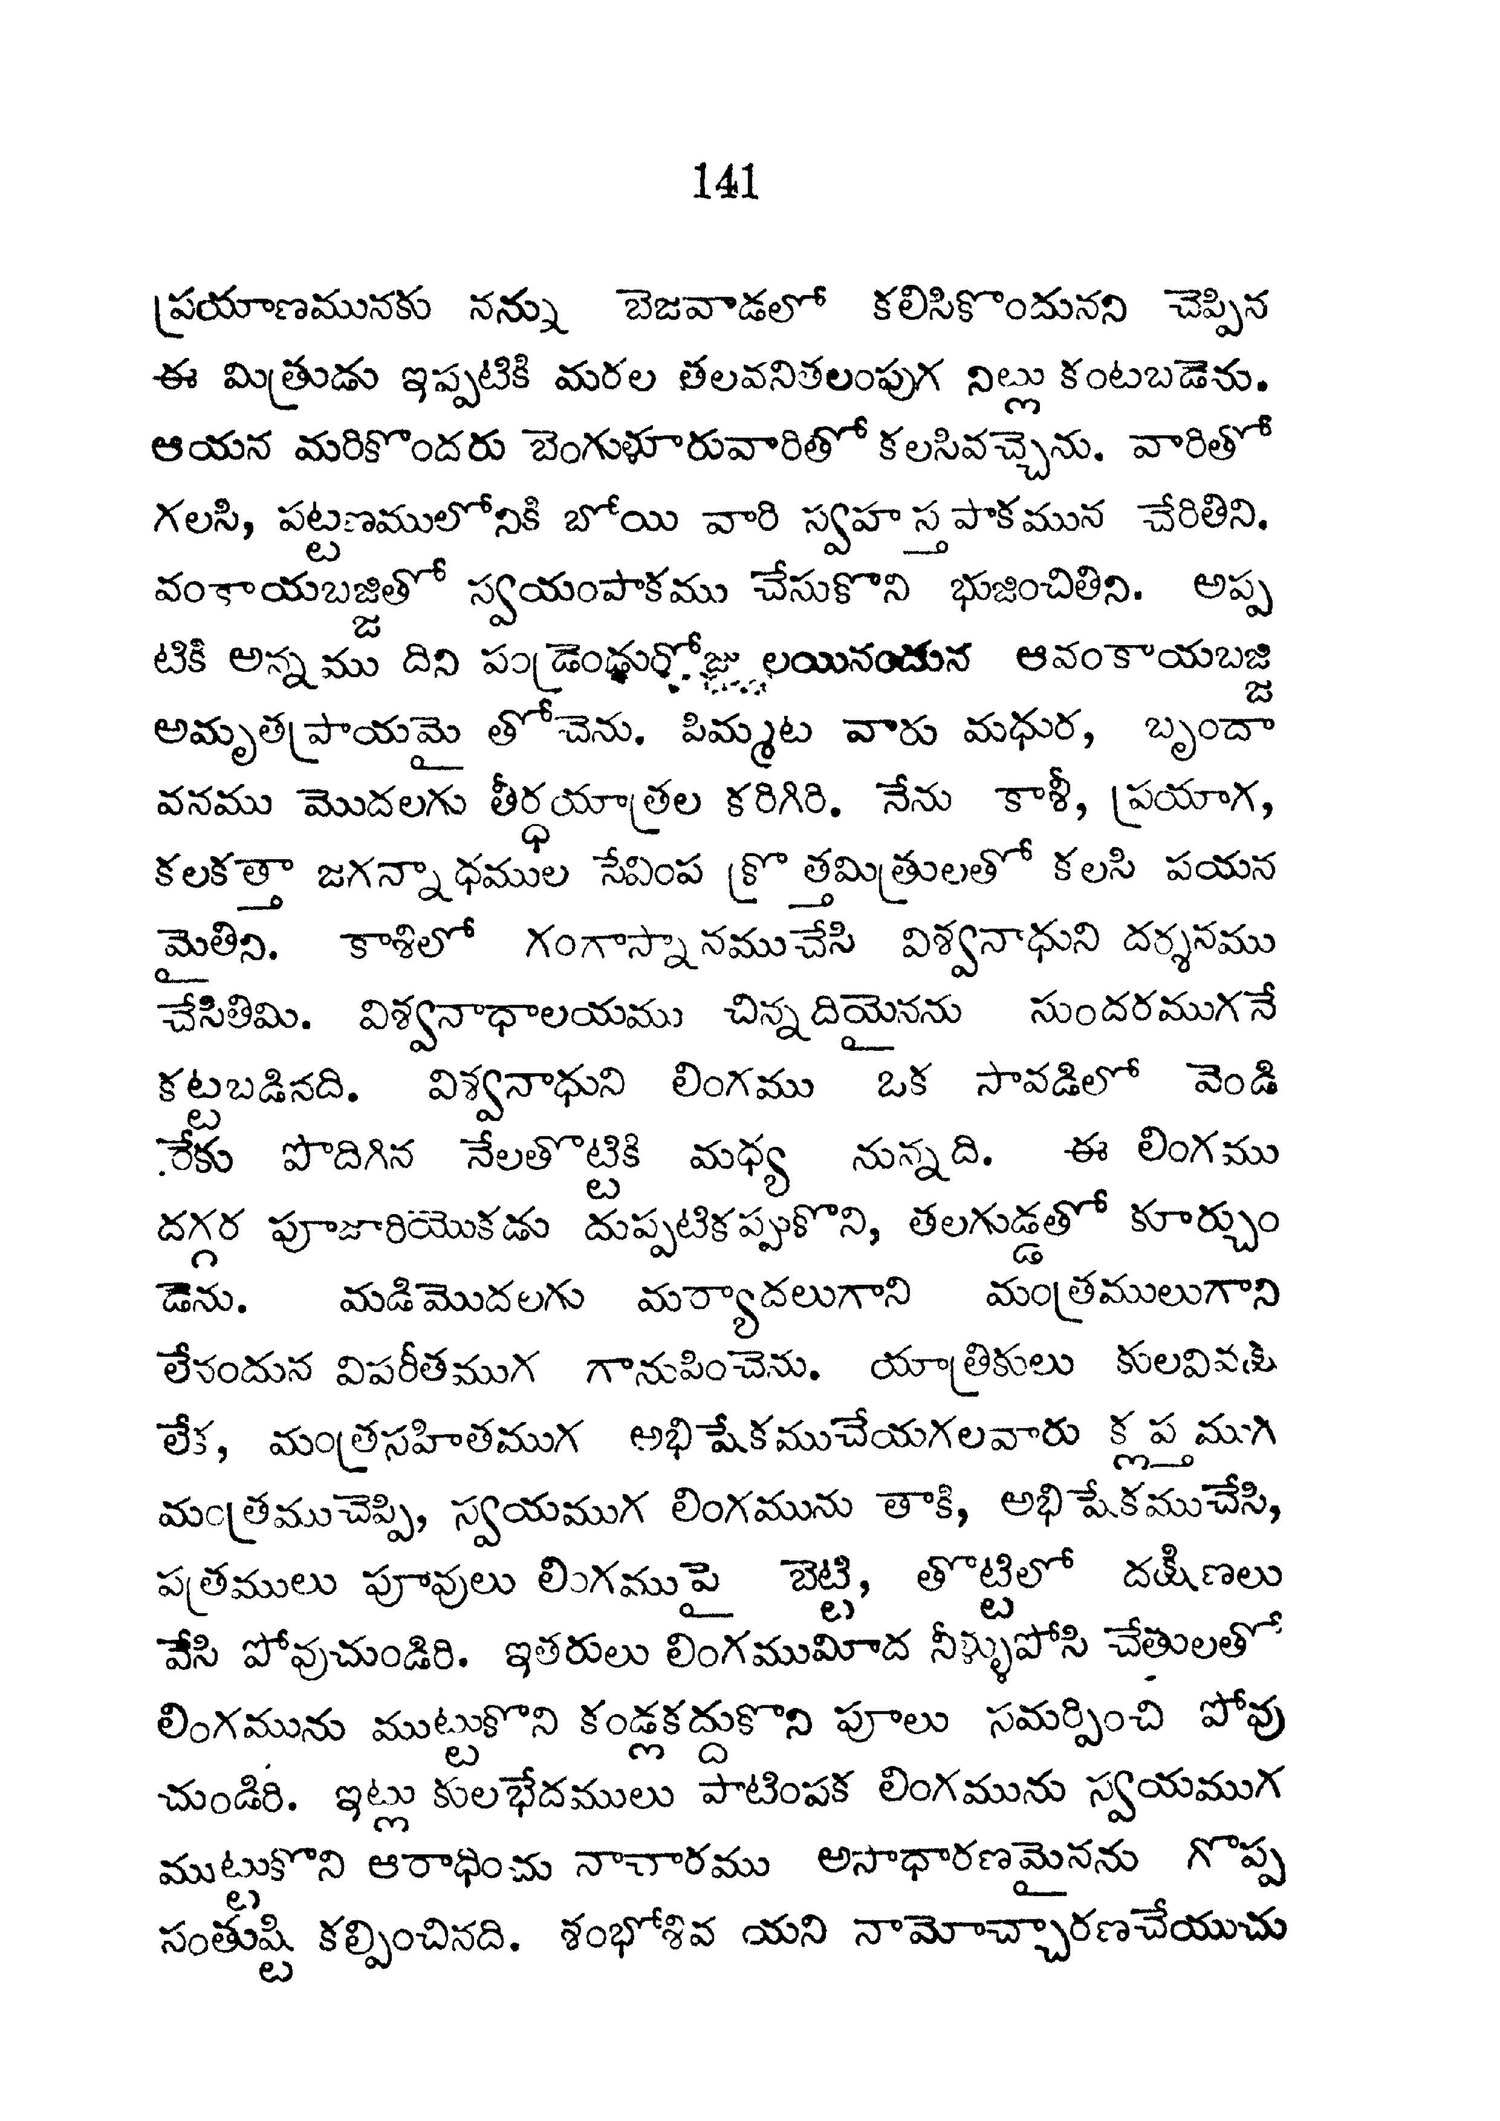ప్రయాణమునకు నన్ను బెజవాడలో కలిసికొందునని చెప్పిన ఈ మిత్రుడు ఇప్పటికి మరల తలవనితలంపుగ నిట్లు కంటబడెను. ఆయన మరికొందరు బెంగుళూరువారితో కలసివచ్చెను. వారితో గలసి, పట్టణములోనికి బోయి వారి స్వహస్తపాకమున చేరితిని. వంకాయబజ్జితో స్వయంపాకము చేసుకొని భుజించితిని. అప్పటికి అన్నము దిని పండ్రెండురోజు లయినందున ఆవంకాయబజ్జి అమృతప్రాయమై తోచెను. పిమ్మట వారు మధుర, బృందావనము మొదలగు తీర్ధయాత్రల కరిగిరి. నేను కాశీ, ప్రయాగ, కలకత్తా జగన్నాధముల సేవింప క్రొత్తమిత్రులతో కలసి పయనమైతిని. కాశిలో గంగాస్నానముచేసి విశ్వనాధుని దర్శనము చేసితిమి. విశ్వనాధాలయము చిన్నదియైనను సుందరముగనే కట్టబడినది. విశ్వనాధుని లింగము ఒక సావడిలో వెండిరేకు పొదిగిన నేలతొట్టికి మధ్య నున్నది. ఈ లింగము దగ్గర పూజారియొకడు దుప్పటికప్పుకొని, తలగుడ్డతో కూర్చుండెను. మడిమొదలగు మర్యాదలుగాని మంత్రములుగాని లేనందున విపరీతముగ గానుపించెను. యాత్రికులు కులవివక్షలేక, మంత్రసహితముగ అభిషేకముచేయగలవారు క్లుప్తముగ మంత్రముచెప్పి, స్వయముగ లింగమును తాకి, అభిషేకముచేసి, పత్రములు పూవులు లింగముపై బెట్టి, తొట్టిలో దక్షిణలు వేసి పోవుచుండిరి. ఇతరులు లింగముమీద నీళ్ళుపోసి చేతులతో లింగమును ముట్టుకొని కండ్లకద్దుకొని పూలు సమర్పించి పోవుచుండిరి. ఇట్లు కులభేదములు పాటింపక లింగమును స్వయముగ ముట్టుకొని ఆరాధించు నాచారము అసాధారణమైనను గొప్ప సంతుష్టి కల్పించినది. శంభోశివ యని నామోచ్చారణచేయుచు